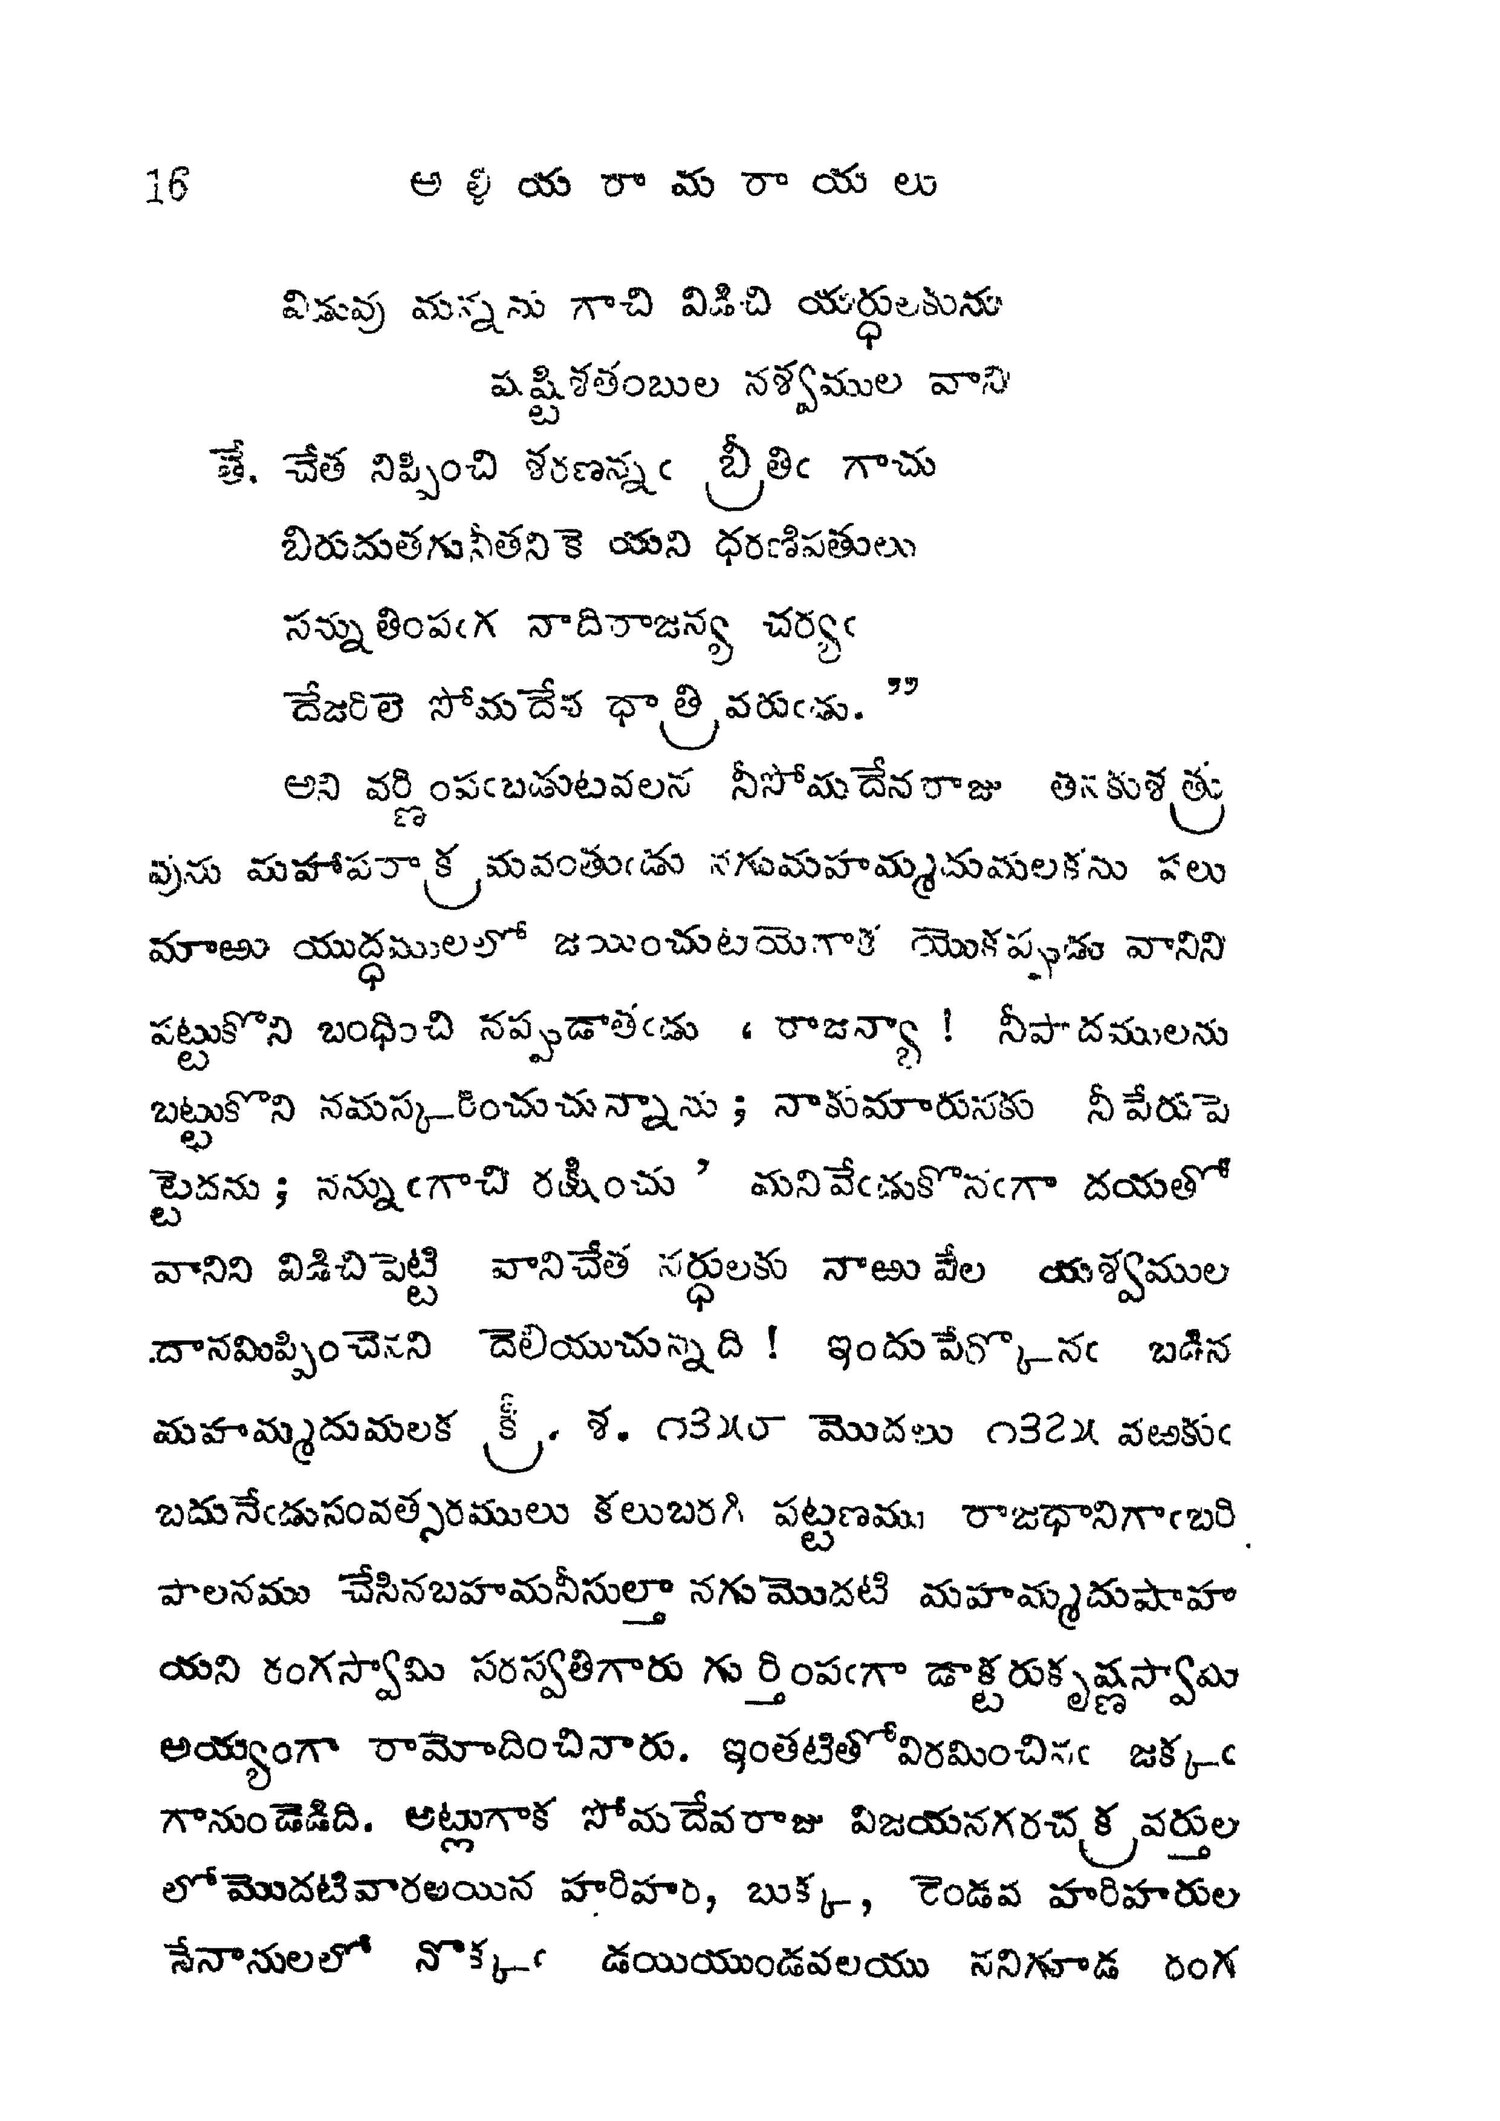విడువు మన్నను గాచి విడిచి యర్ధులకును
 షష్టిశతంబుల నశ్వముల వాని

 తే. చేత నిప్పించి శరణన్న బ్రీతి గాచు
 బిరుదుతగునీతనికె యని ధరణిపతులు
 సన్నుతింపగ నాదిరాజన్య చర్య
 దేజరిలె సోమదేవ ధాత్రివరుడు."

అని వర్ణింపబడుటవలన నీసోమదేవరాజు తనకుశత్రువును మహాపరాక్రమవంతుడు నగుమహమ్మదుమలకను పలుమాఱు యుద్ధములలో జయించుటయెగాక యొకప్పుడు వానిని పట్టుకొని బంధించి నప్పుడాతడు 'రాజన్యా! నీపాదములను బట్టుకొని నమస్కరించుచున్నాను; నాకుమారునకు నీపేరుపెట్టెదను; నన్నుగాచి రక్షించు' మనివేడుకొనగా దయతో వానిని విడిచిపెట్టి వానిచేత నర్ధులకు నాఱువేల యశ్వముల దానమిప్పించెనని దెలియుచున్నది! ఇందుపేర్కొన బడిన మహమ్మదుమలక క్రీ. శ. 1358 మొదలు 1375 వఱకు బదునేడుసంవత్సరములుకలుబరగి పట్టణము రాజధానిగాబరిపాలనము చేసినబహమనీసుల్తా నగుమొదటి మహమ్మదుషాహ యని రంగస్వామి సరస్వతిగారు గుర్తింపగా డాక్టరుకృష్ణస్వామి అయ్యంగా రామోదించినారు. ఇంతటితోవిరమించిన జక్కగానుండెడిది. అట్లుగాక సోమదేవరాజు విజయనగరచక్రవర్తులలో మొదటివారఅయిన హరిహర, బుక్క, రెండవ హరిహరుల సేనానులలో నొక్క డయియుండవలయు ననిగూడ రంగ